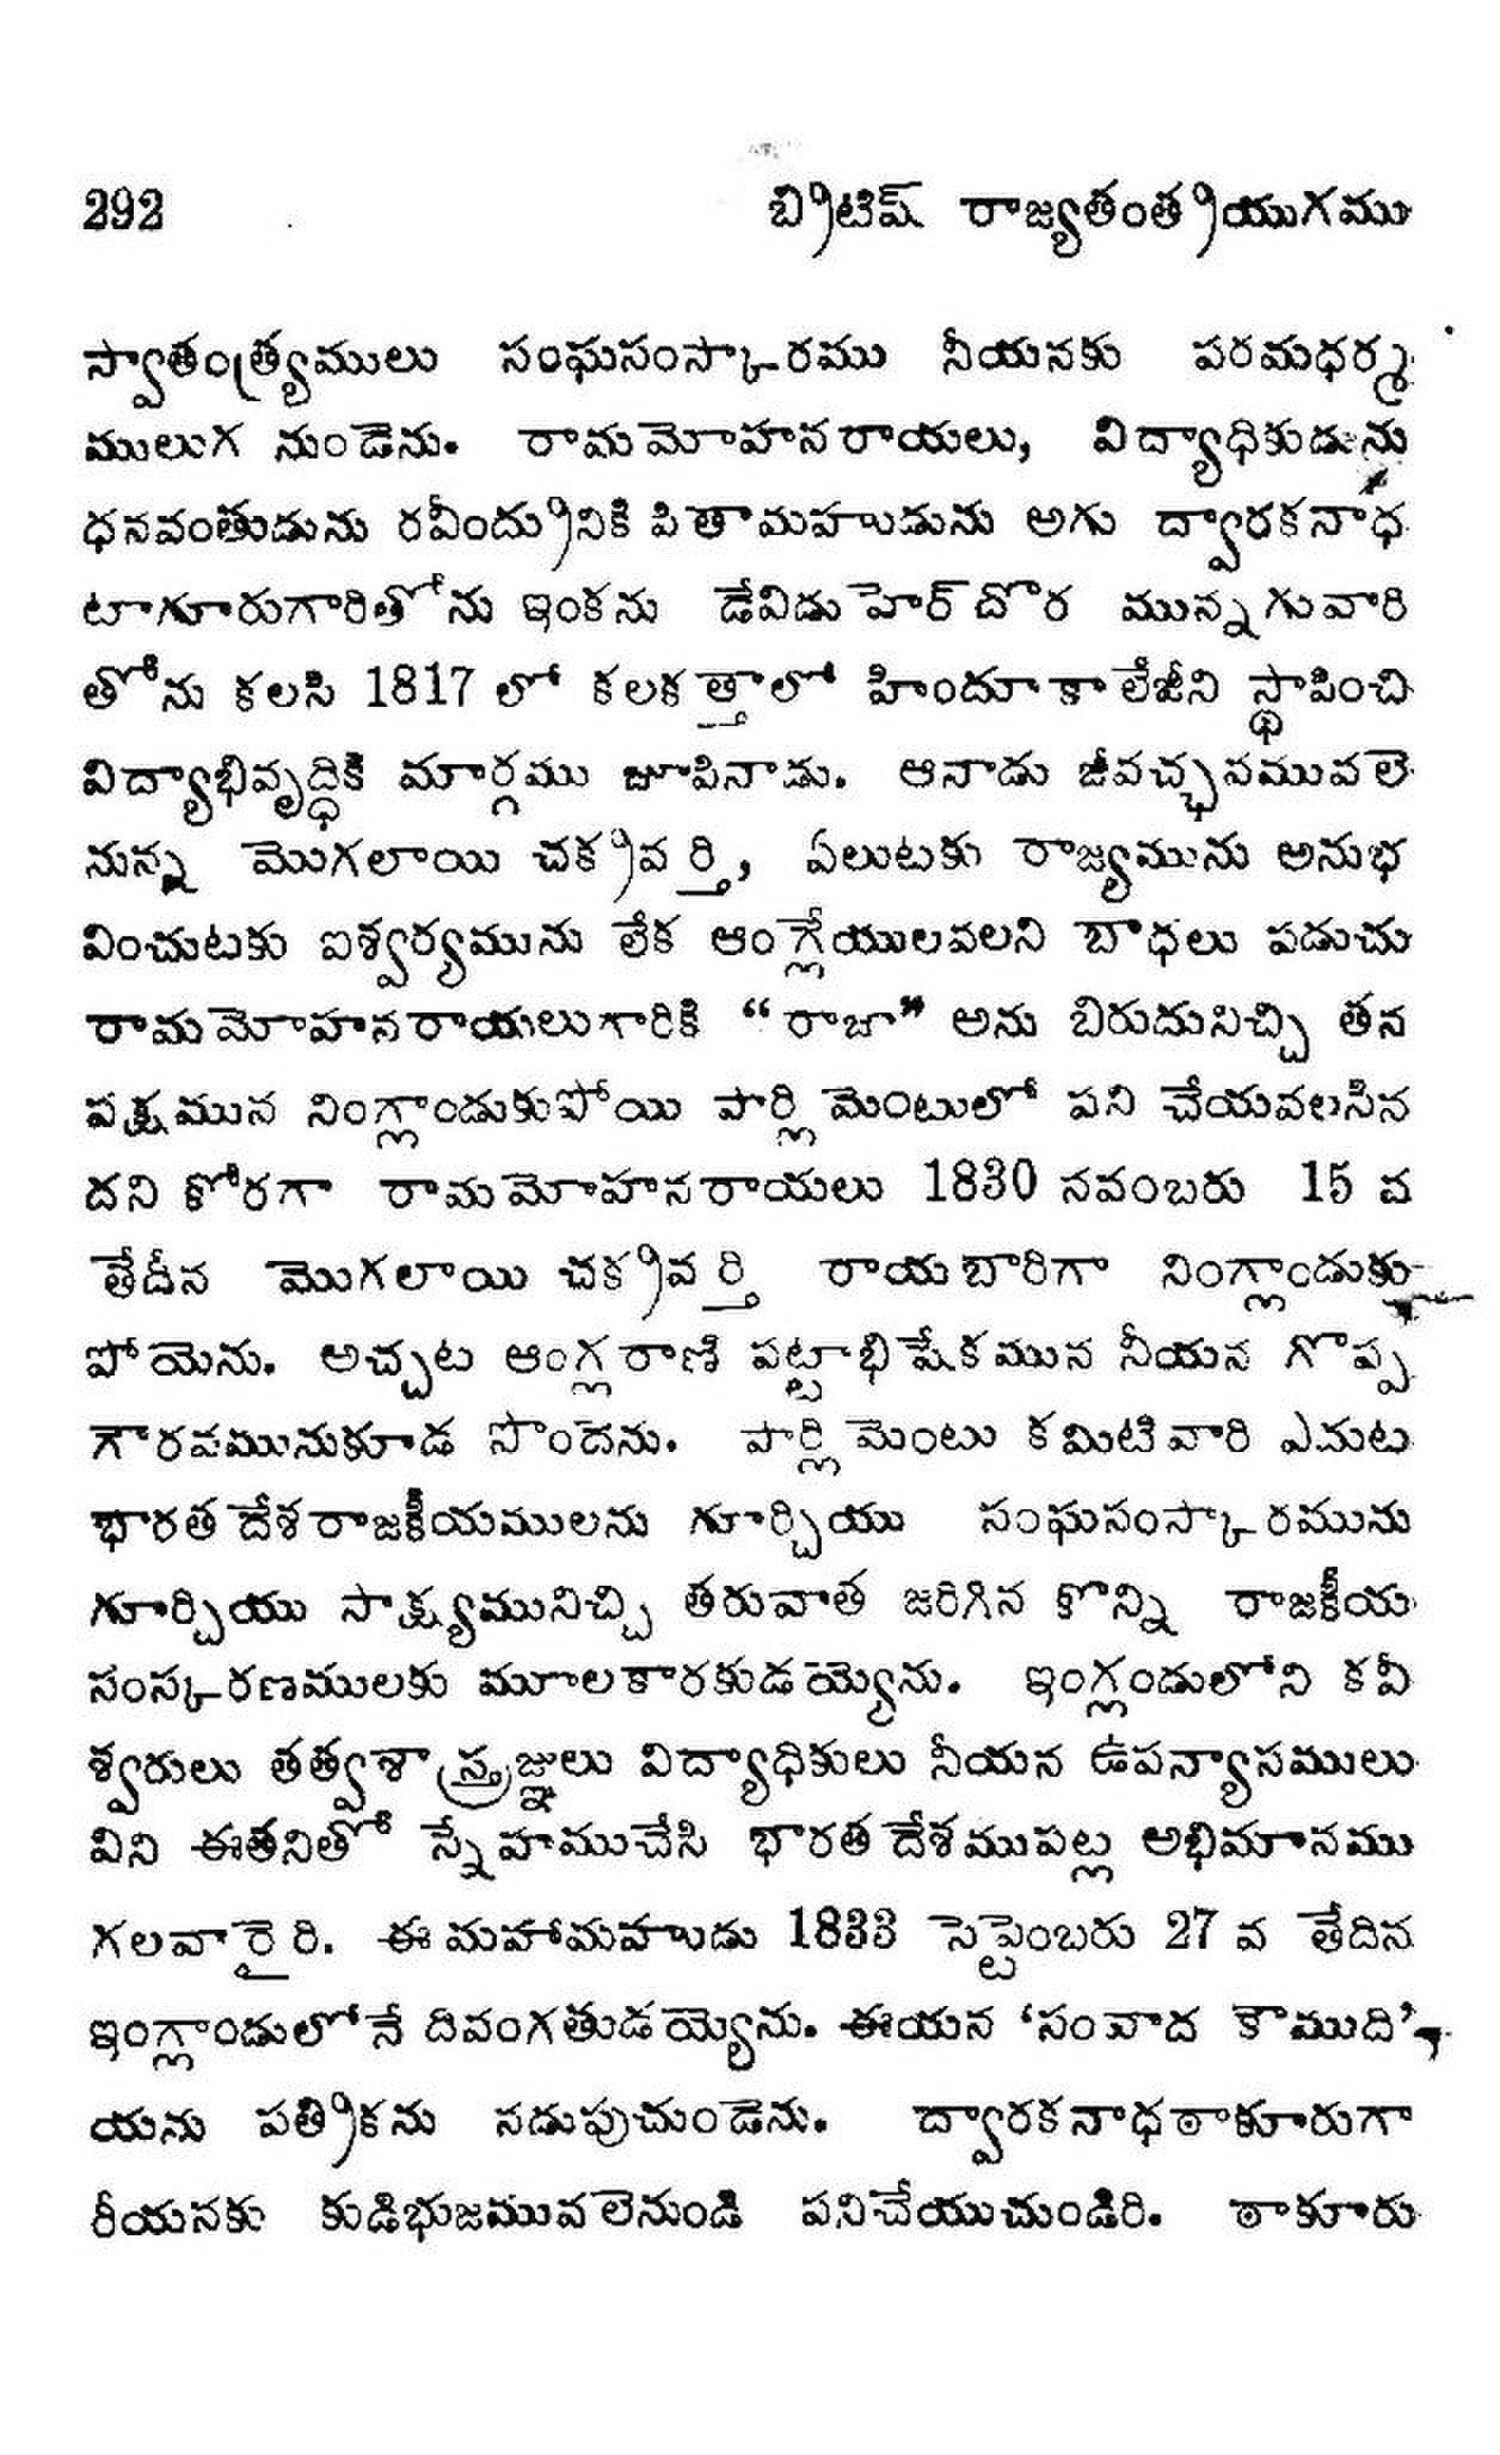స్వాతంత్ర్యములు సంఘసంస్కారము నీయనకు పరమధర్మములుగ నుండెను. రామమోహనరాయలు, విద్యాధికుడును ధనవంతుడును రవీంద్రునికి పితామహుడును అగు ద్వారకనాధ టాగూరుగారితోను ఇంకను డేవిడు హెర్ దొర మున్నగువారితోను కలసి 1817 లో కలకత్తాలో హిందూ కాలేజీని స్థాపించి విద్యాభివృద్ధికి మార్గము జూపినాడు. ఆనాడు జీవచ్చవమువలె నున్న మొగలాయి చక్రవర్తి, ఏలుటకు రాజ్యమును అనుభవించుటకు ఐశ్వర్యమును లేక ఆంగ్లేయులవలని బాధలు పడుచు రామమోహనరాయలుగారికి "రాజా" అను బిరుదునిచ్చి తన పక్షమున నింగ్లాండుకుపోయి పార్లిమెంటులో పని చేయవలసిన దని కోరగా రామమోహనరాయలు 1830 నవంబరు 15 వ
తేదీన మొగలాయి చక్రవర్తి రాయబారీగా నింగ్లాండుకు పోయెను. అచ్చట ఆంగ్ల రాణి పట్టాభిషేకమున నీయన గొప్ప గౌరవమునుకూడ పొందెను. పార్లమెంటు కమిటివారి ఎదుట భారతదేశరాజకీయములను గూర్చియు సంఘసంస్కారమును గూర్చియు సాక్ష్యమునిచ్చి తరువాత జరిగిన కొన్ని రాజకీయ సంస్కరణములకు మూలకారకుడయ్యెను. ఇంగ్లండులోని కవీశ్వరులు తత్వశాస్త్రజ్ఞులు విద్యాధికులు నీయన ఉపన్యాసములు విని ఈతనితో స్నేహముచేసి భారతదేశముపట్ల అభిమానము గలవారైరి. ఈ మహామహుడు 1833 సెప్టెంబరు 27 వ తేదిన ఇంగ్లాండులోనే దివంగతుడయ్యెను. ఈయన 'సంవాద కౌముది' యను పత్రికను నడుపుచుండెను. ద్వారకనాధఠాకూరుగా రీయనకు కుడిభుజమువలెనుండి పనిచేయుచుండిరి. ఠాకూరు